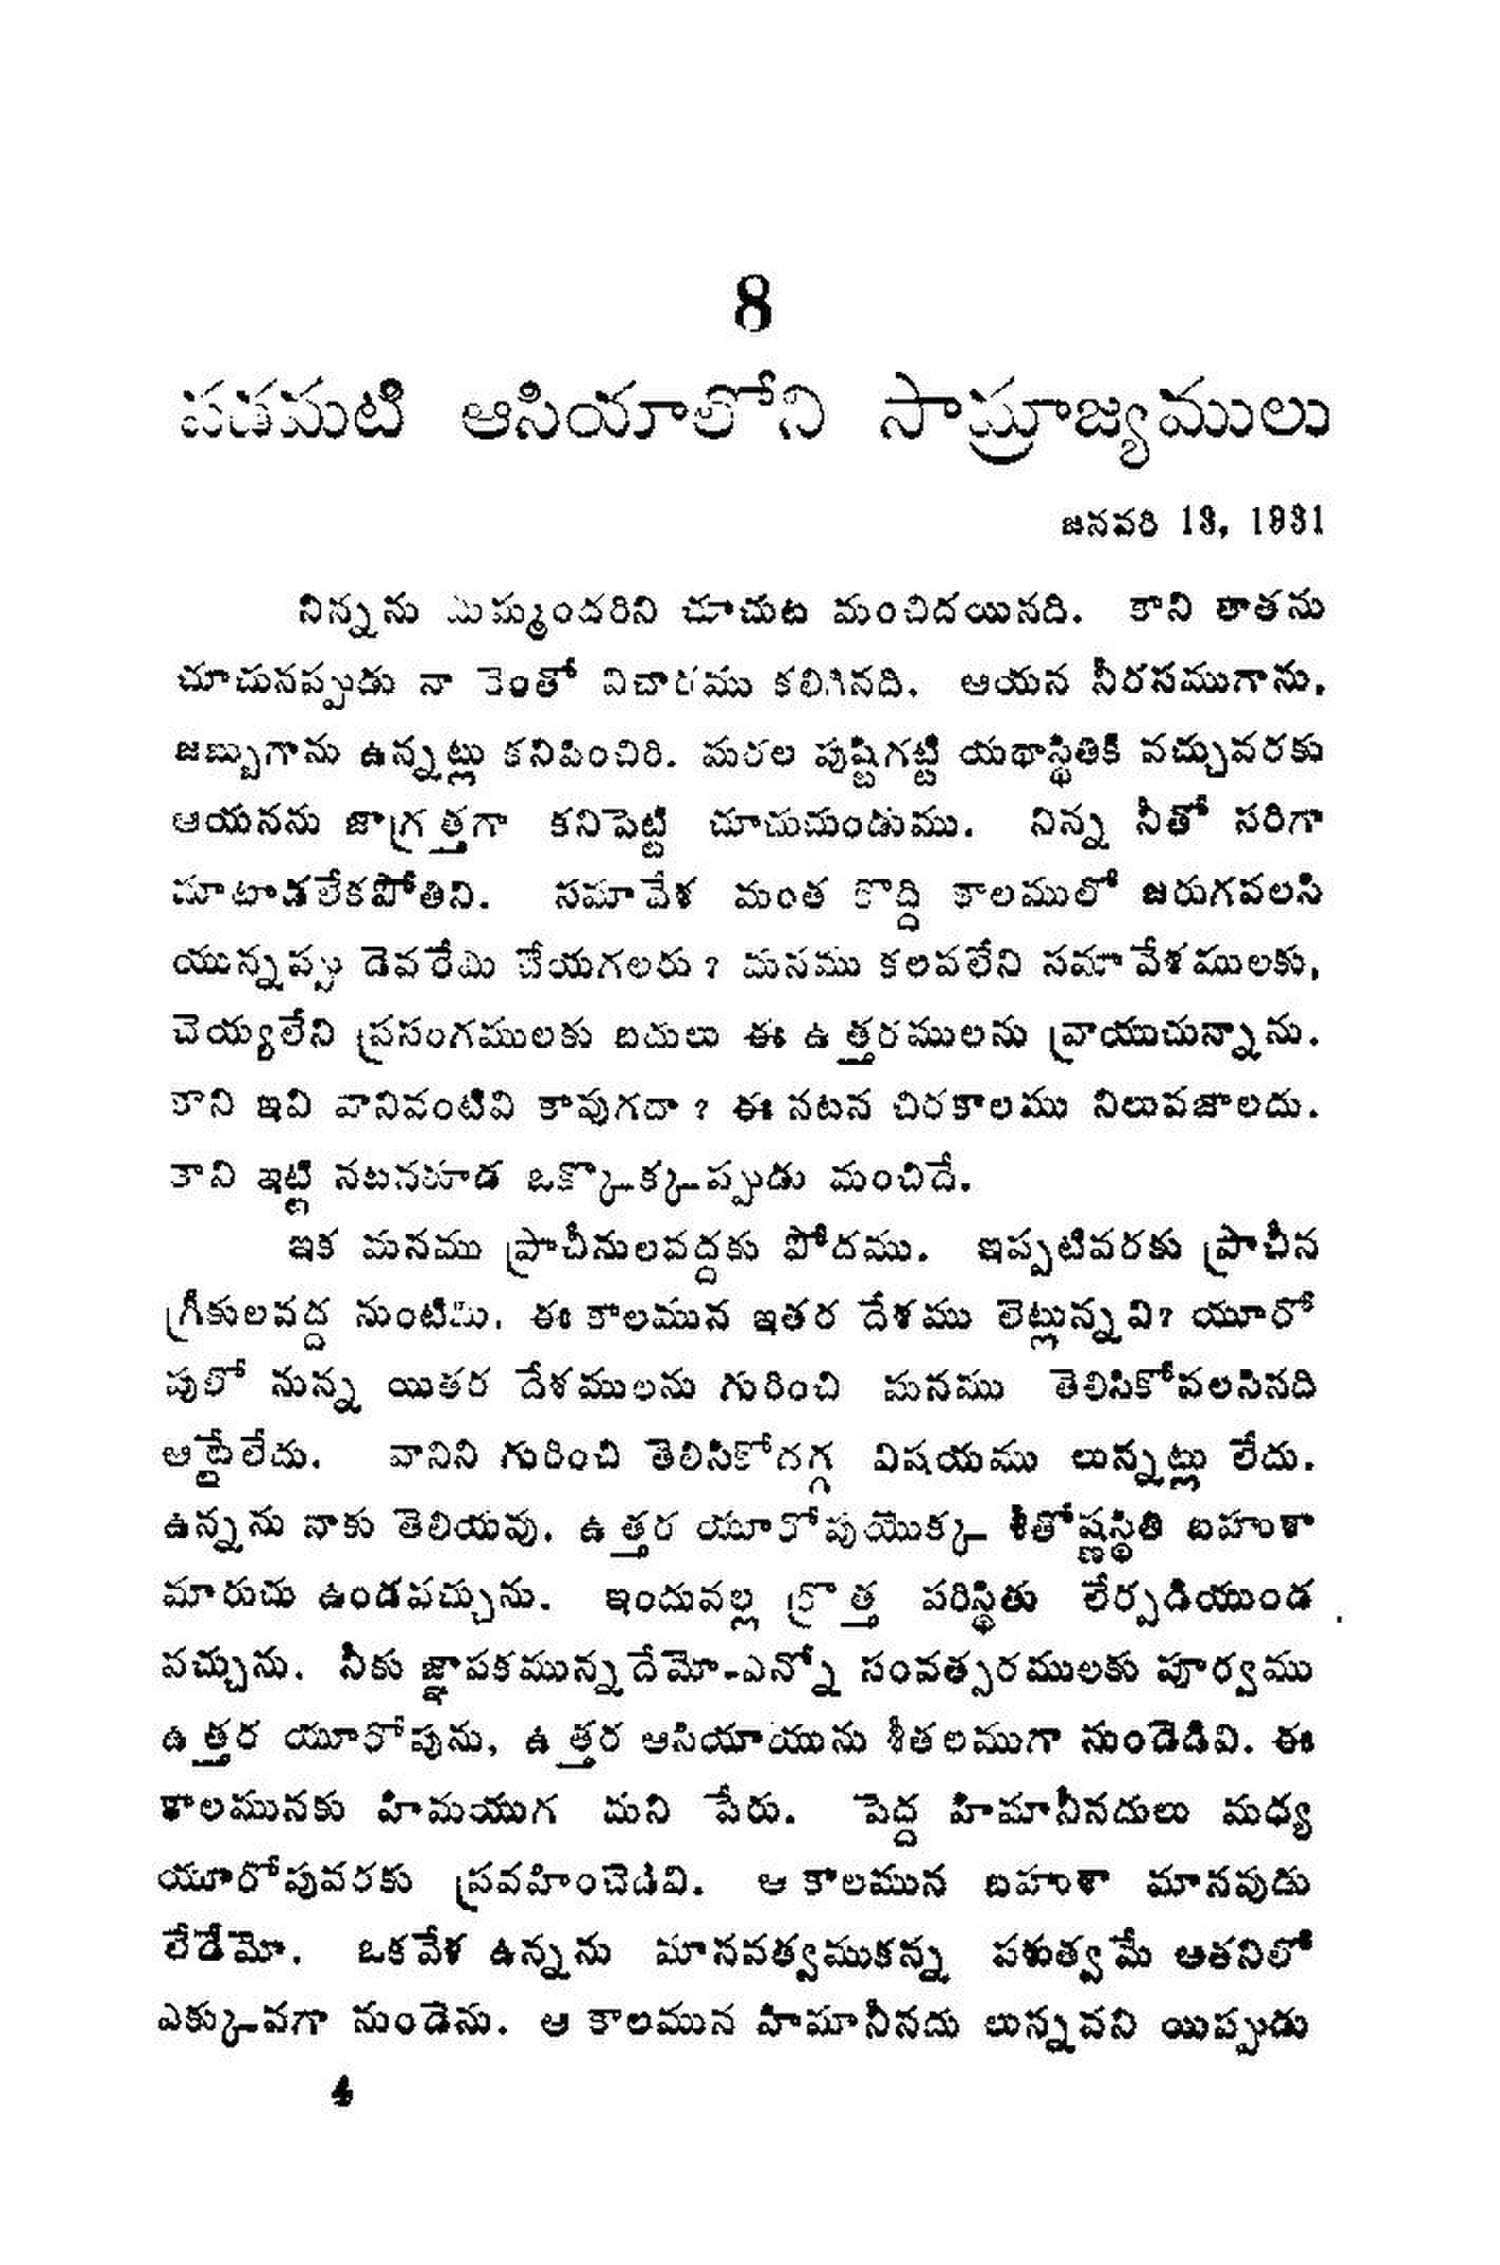8
పడమటి ఆసియాలోని సామ్రాజ్యములు

నిన్నను మమ్మందరిని చూచుట మంచిదయినది. కాని తాతను చూచునప్పుడు నా కెంతో విచారము కలిగినది. ఆయన నీరసముగాను, జబ్బుగాను ఉన్నట్లు కనిపించిరి. మరల పుష్టిగట్టి యథాస్థితికి వచ్చువరకు ఆయనను జాగ్రత్తగా కనిపెట్టి చూచుచుండుము. నిన్న నీతో సరిగా మాటాడలేకపోతిని. సమావేశ మంత కొద్ది కాలములో జరుగవలసి యున్నప్పు డెవరేమి చేయగలరు ? మనము కలవలేని సమావేశములకు, చెయ్యలేని ప్రసంగములకు బదులు ఈ ఉత్తరములను వ్రాయుచున్నాను. కాని ఇవి వానివంటివి కావుగదా ! ఈ నటన చిరకాలము నిలువజాలదు. కాని ఇట్టి నటనకూడ ఒక్కొక్కప్పుడు మంచిదే.

ఇక మనము ప్రాచీనులవద్దకు పోదము. ఇప్పటివరకు ప్రాచీన గ్రీకులవద్ద నుంటిమి. ఈ కాలమున ఇతర దేశము లెట్లున్నవి? యూరోపులో నున్న యితర దేశములను గురించి మనము తెలిసికోవలసినది ఆట్టేలేదు. వానిని గురించి తెలిసికోదగ్గ విషయము లున్నట్లు లేదు. ఉన్నను నాకు తెలియవు. ఉత్తర యూరోపు యొక్క శీతోష్ణస్థితి బహుశా మారుచు ఉండవచ్చును. ఇందువల్ల క్రొత్త పరిస్థితు లేర్పడియుండ వచ్చును. నీకు జ్ఞాపకమున్నదేమో - ఎన్నో సంవత్సరములకు పూర్వము ఉత్తర యూరోపును, ఉత్తర ఆసియాయును శీతలముగా నుండెడివి. ఈ కాలమునకు హిమయుగ మని పేరు. పెద్ద హిమానీనదులు మధ్య యూరోపువరకు ప్రవహించెడివి. ఆ కాలమున బహుశా మానవుడు లేడేమో. ఒక వేళ ఉన్నను మానవత్వముకన్న పశుత్వమే ఆతనిలో ఎక్కువగా నుండెను. ఆ కాలమున హిమానీనదు లున్నవని యిప్పుడు